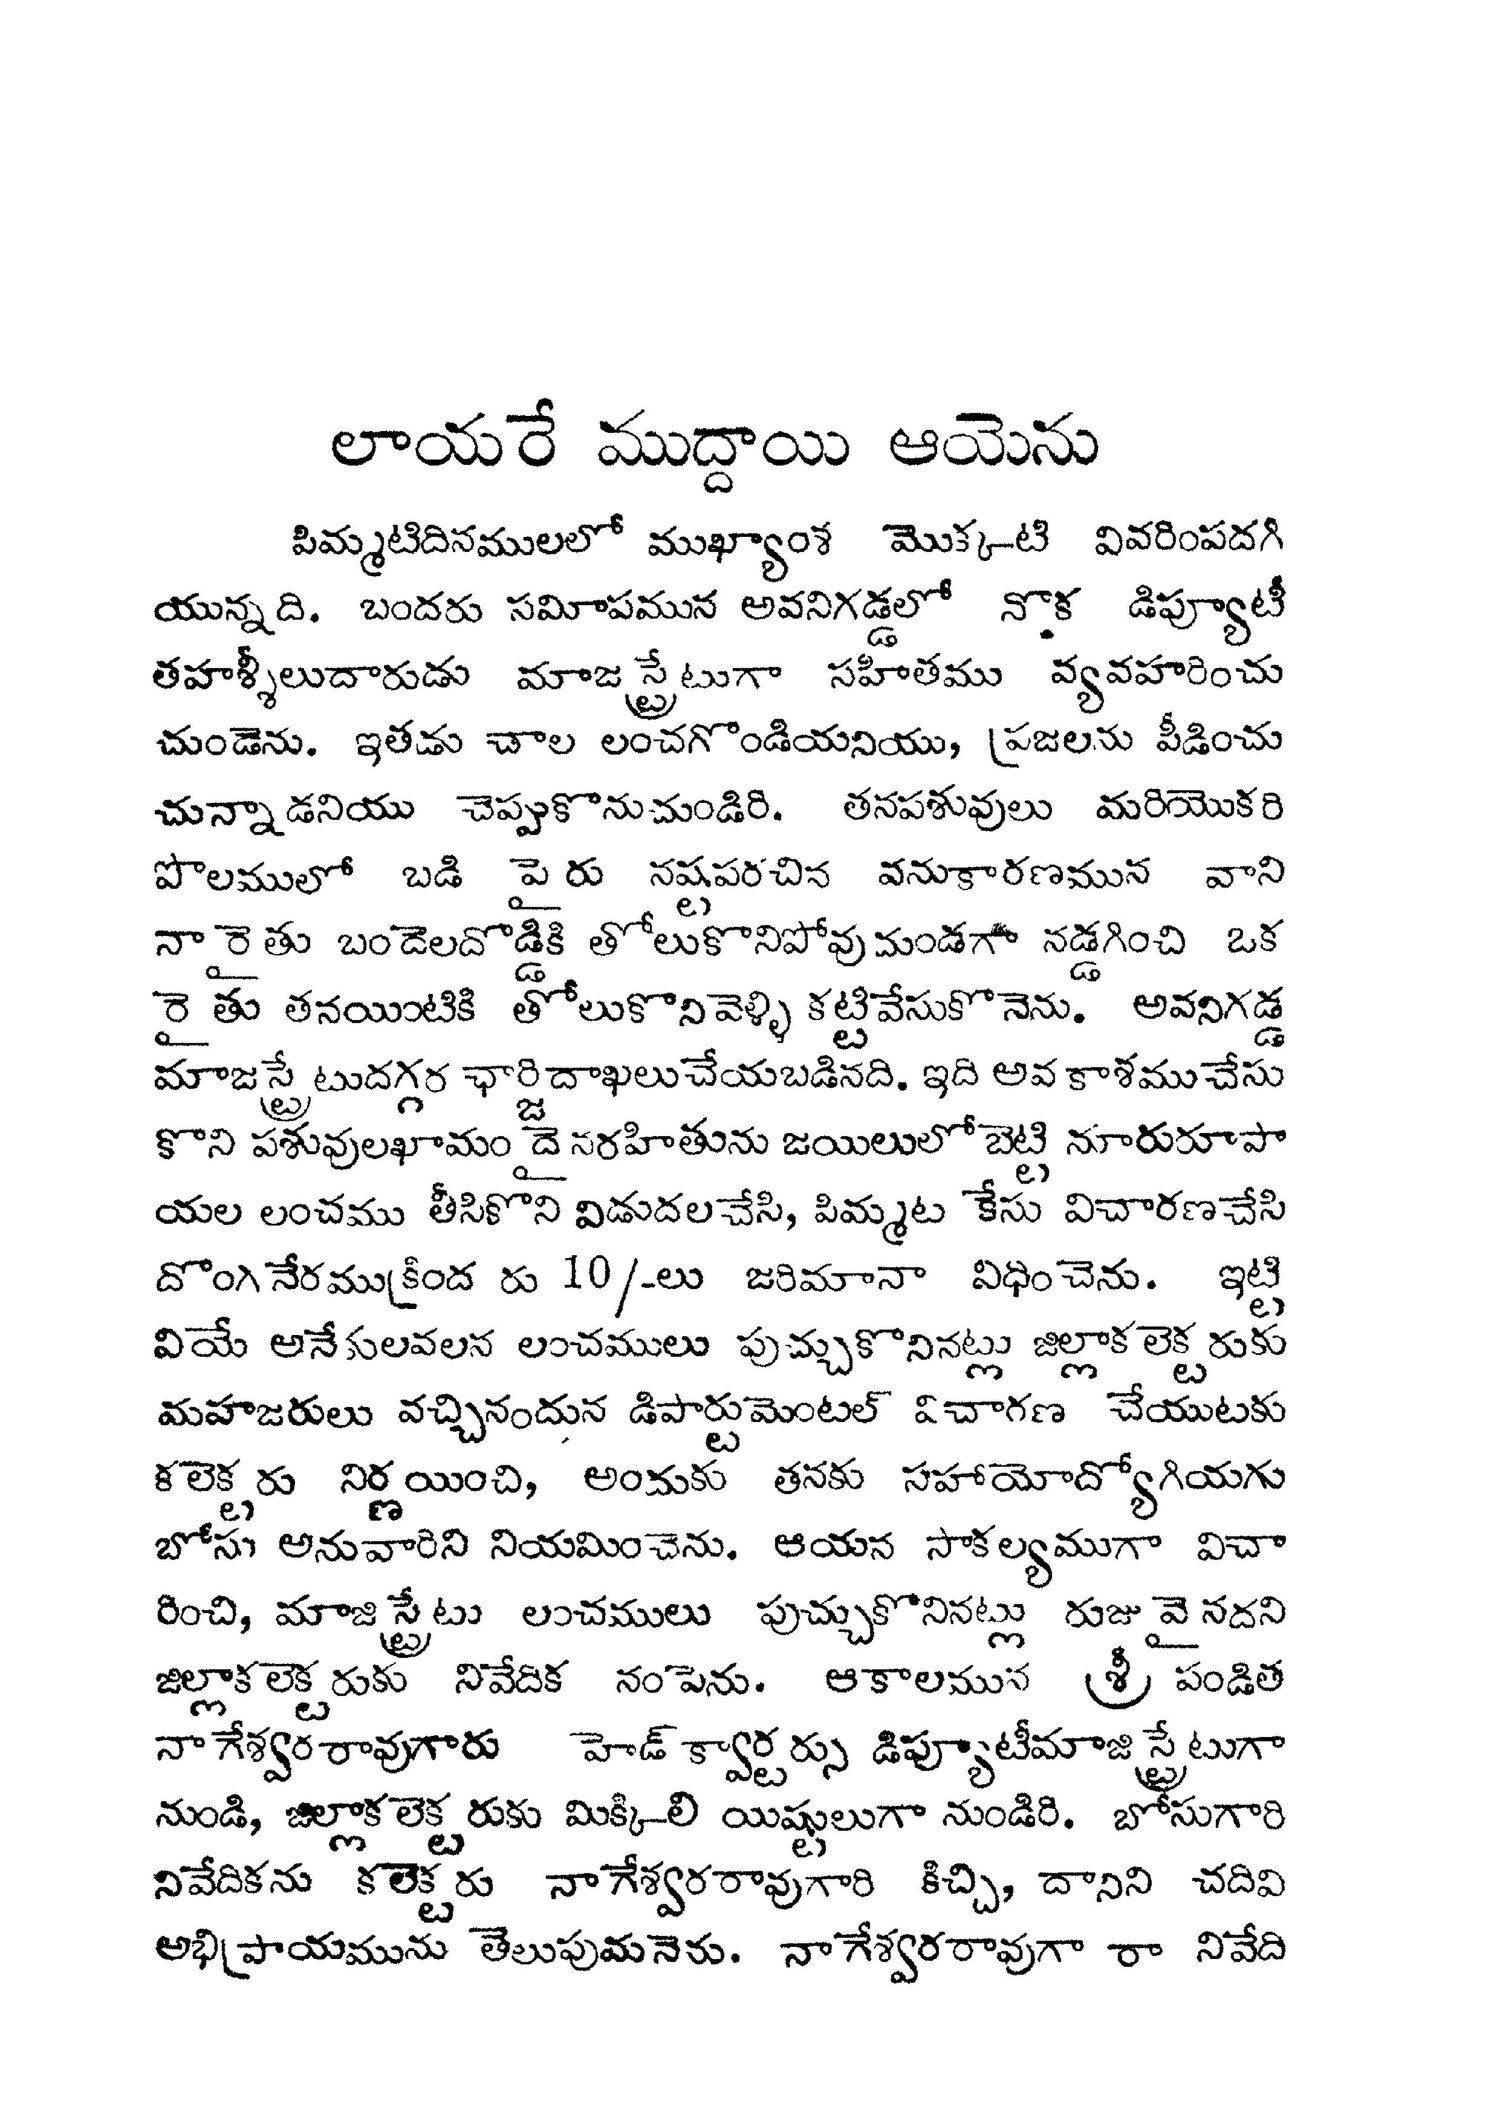పిమ్మటిదినములలో ముఖ్యాంశ మొక్కటి వివరింపదగియున్నది. బందరు సమీపమున అవనిగడ్డలో నొక డిప్యూటీ తహశ్శీలుదారుడు మాజస్ట్రేటుగా సహితము వ్యవహరించు చుండెను. ఇతడు చాల లంచగొండియనియు, ప్రజలను పీడించు చున్నాడనియు చెప్పుకొనుచుండిరి. తనపశువులు మరియొకరి పొలములో బడి పైరు నష్టపరచిన వనుకారణమున వాని నారైతు బందెలదొడ్డికి తోలుకొనిపోవుచుండగా నడ్డగించి ఒక రైతు తనయింటికి తోలుకొనివెళ్ళి కట్టివేసుకొనెను. అవనిగడ్డ మాజస్ట్రేటుదగ్గర ఛార్జిదాఖలు చేయబడినది. ఇది అవకాశముచేసుకొని పశువులఖామందైనరహితును జయిలులోబెట్టి నూరురూపాయల లంచము తీసికొని విడుదలచేసి, పిమ్మట కేసు విచారణచేసి దొంగనేరముక్రింద రు 10/- లు జరిమానా విధించెను. ఇట్టివియే అనేకులవలన లంచములు పుచ్చుకొనినట్లు జిల్లాకలెక్టరుకు మహజరులు వచ్చినందున డిపార్టుమెంటల్ విచారణ చేయుటకు కలెక్టరు నిర్ణయించి, అందుకు తనకు సహాయోద్యోగియగు బోసు అనువారిని నియమించెను. ఆయన సాకల్యముగా విచారించి,మాజిస్ట్రేటు లంచములు పుచ్చుకొనినట్లు రుజువైనదని జిల్లాకలెక్టరుకు నివేదిక నంపెను. ఆకాలమున శ్రీ పండిత నాగేశ్వరరావుగారు హెడ్‌క్వార్టర్సు డిప్యూటీమాజిస్ట్రేటుగా నుండి, జిల్లాకలెక్టరుకు మిక్కిలి యిష్టులుగా నుండిరి. బోసుగారి నివేదికను కలెక్టరు నాగేశ్వరరావుగారి కిచ్చి, దానిని చదివి అభిప్రాయమును తెలుపుమనెను. నాగేశ్వరరావుగా తా నివేది